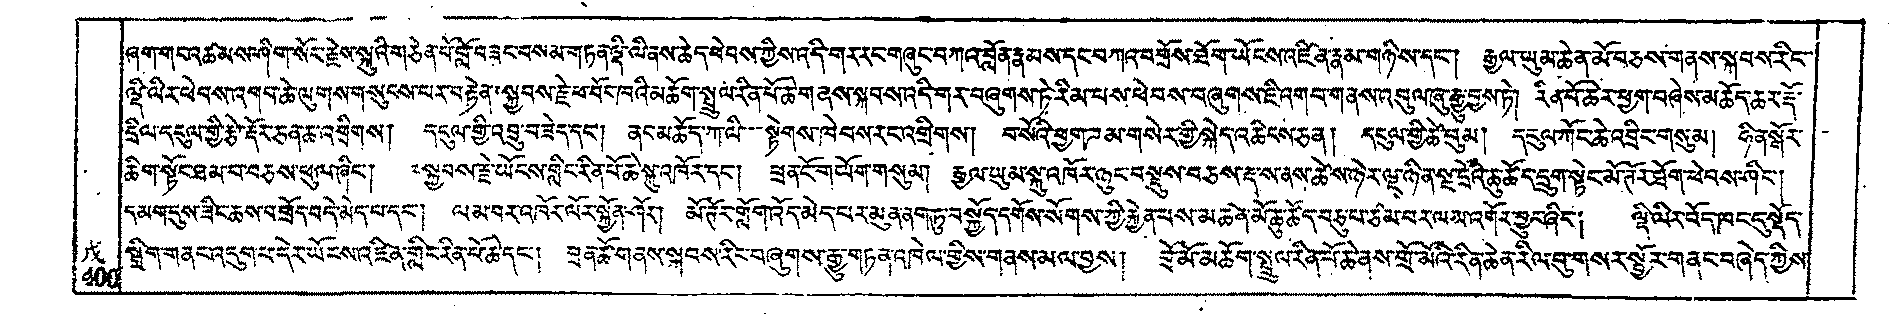ཞག་གང་འཚམས་ཤིག་སོང་རྗེས་སྐུའི་གཅེན་པོ་བློ་བཟང་བསམ་གཏན་ལྡི་ལི་ནས་ཆེད་ཕེབས་ཀྱིས་འདི་གར་རང་གཞུང་བཀའ་བློན་རྣམས་དང་བཀའ་བགྲོས་ཐོག་ཡོངས་འཛིན་རྣམ་གཉིས་དང་། རྒྱལ་ཡུམ་ཆེན་མོ་བཅས་གནས་སྐབས་རིང་
ལྡི་ལིར་ཕེབས་འགབ་ཆེ་ལུགས་གསུངས་པར་བརྟེན་༧སྐྱབས་རྗེ་ཕ་བོང་ཁའི་མཆོག་སྤྲུལ་རིན་པོ་ཆེ་གནས་སྐབས་འདི་གར་བཞུགས་ཏེ་རིམ་པས་ཕེབས་བཞུགས་ཇི་འགབ་གནས་འབུལ་ཞུ་རྒྱུ་བྱས་ཏེ། རིན་པོ་ཆེར་ཕྱག་བཞེས་མཆོད་ཆར་རྡོ་
དྲིལ་དངུལ་གྱི་རྩེ་རྡོར་ཅན་ཆ་འགྲིགས། དངུལ་གྱི་འབྲུ་བཟེད་དང་། ནང་མཆོད་ཀ་ལི་སྟེགས་ཁེབས་རང་འགྲིགས། བ་སོའི་ཕྱག་ཌམ་གསེར་གྱི་སྐེད་འཆིངས་ཅན། དངུལ་གྱི་ཚེ་བུམ། དངུལ་ཀོང་ཆེ་འབྲིང་གསུམ། ཧིན་སྒོར་
ཆིག་སྟོང་ཐམ་པ་བཅས་ཕུལ་ཞིང་། ༧སྐྱབས་རྗེ་ཡོངས་གླིང་རིན་པོ་ཆེ་སྐུ་འཁོར་དང་། ཕྲན་ངོ་གཡོག་གསུམ། རྒྱལ་ཡུམ་སྐུ་འཁོར་ཉུང་བསྡུས་བཅས་རྡ་ས་ནས་ཚེས་ཉེར་ལྔ་ཉིན་སྔ་དྲོའི་ཆུ་ཚོད་དྲུག་སྟེང་མོ་ཊོར་ཐོག་ཕེབས་ཤིང་།
དམག་དུས་ཟིང་ཆས་བགྲོད་བདེ་མེད་པ་དང་། ལམ་བར་འཁོར་ལོར་སྐྱོན་ཤོར། མོ་ཊོར་གློག་འོད་མེད་པར་མུན་ནག་ཏུ་བསྐྱོད་དགོས་སོགས་ཀྱི་རྐྱེན་པས་མཚན་མོ་ཆུ་ཚོད་བཅུ་པ་ཙམ་བར་ལམ་འགོར་བྱུང་ཞིང་། ལྡི་ལིར་བོད་ཁང་དུ་སྡོད་
སྒྲིག་གནང་འདུག་པ་དེར་ཡོངས་འཛིན་གླིང་རིན་པོ་ཆེ་དང་། ཕྲན་ཚོ་གནས་སྐབས་རིང་བཞུགས་རྒྱུ་གཏན་འཁེལ་གྱིས་གནས་མལ་བྱས། གྲོ་མོ་མཆོག་སྤྲུལ་རིན་པོ་ཆེ་ནས་གྲོ་མོའི་རིན་ཆེན་རིལ་བུ་གསར་སྦྱོར་གནང་བཞེད་ཀྱིས་